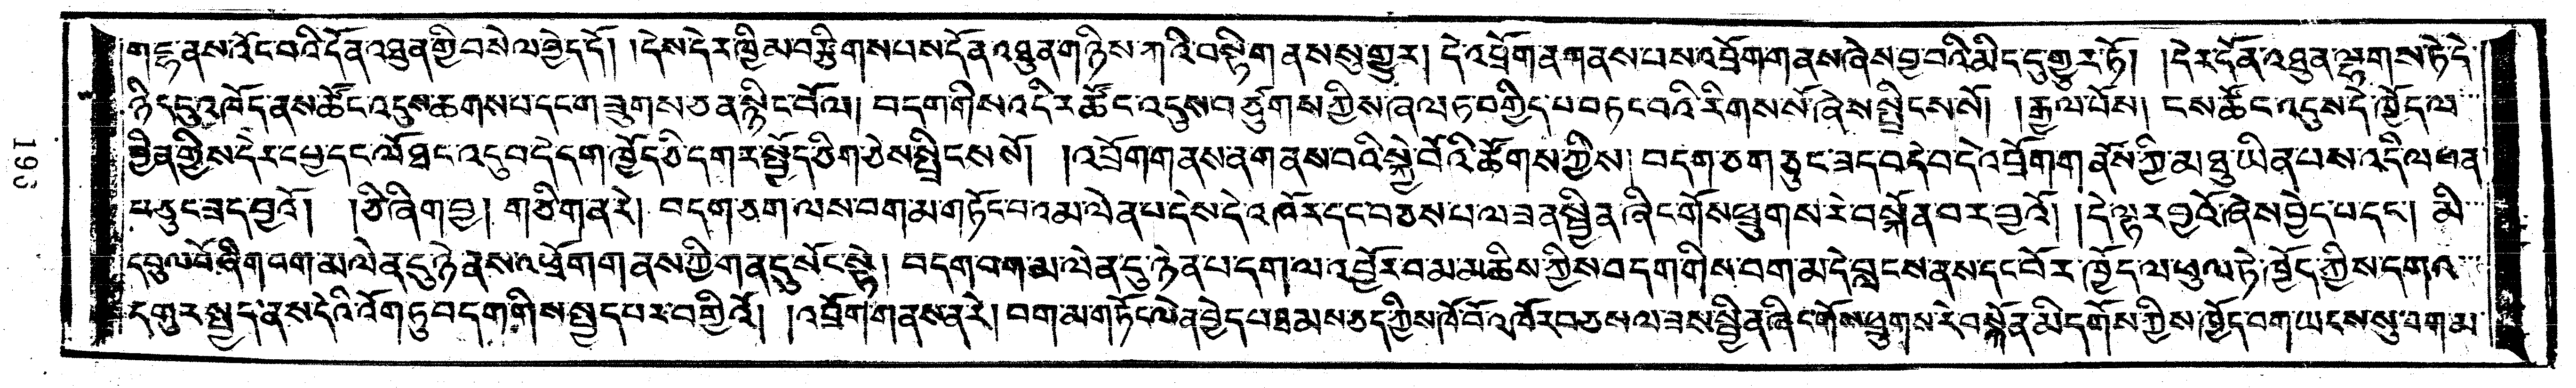ག་དྷ་ནས་འོང་བའི་དོན་འཐུན་གྱི་བསེལ་བྱེད་དོ། །དེས་དེར་ཁྱིམ་བརྩིགས་པས་དོན་འཐུན་གཉིས་ཀའི་བསྟི་གནས་སུ་གྱུར། དེ་འབྲོག་ན་གནས་པས་འབྲོག་གནས་ཞེས་བྱ་བའི་མིང་དུ་གྱུར་ཏོ། །དེར་དོན་འཐུན་ལྷགས་ཏེ་དེ་
ཉིད་དུ་འཁོད་ནས་ཚོང་འདུས་ཆགས་པ་དང་གཟུགས་ཅན་སྙིང་པོ་ལ། བདག་གིས་འདིར་ཚོང་འདུས་བཙུགས་ཀྱིས་ཞལ་ཏ་བགྱིད་པ་བཏང་བའི་རིགས་སོ་ཞེས་སྤྲིངས་སོ། །རྒྱལ་པོས། ངས་ཚོང་འདུས་དེ་ཁྱོད་ལ་
བྱིན་གྱིས་དེར་དཔྱ་དང་ལོ་ཐང་འདུ་བ་དེ་དག་ཁྱོད་ཅི་དགར་སྤྱོད་ཅིག་ཅེས་སྤྲིངས་སོ། །འབྲོག་གནས་ན་གནས་པའི་སྐྱེ་བོའི་ཚོགས་ཀྱིས། བདག་ཅག་ཅུང་ཟད་བདེ་བ་དེ་འབྲོག་གནོས་ཀྱི་མཐུ་ཡིན་པས་འདི་ལ་ཕན་
པ་ཅུང་ཟད་བྱའོ། །ཅི་ཞིག་བྱ། གཅིག་ན་རེ། བདག་ཅག་ལས་བག་མ་གཏོང་བ་འམ་ལེན་པ་དེས་དེ་འཁོར་དང་བཅས་པ་ལ་ཟན་སྦྱིན་ཞིང་གོས་ཕྲུགས་རེ་བསྐོན་པར་བྱའོ། །དེ་ལྟར་བྱའོ་ཞེས་བྱེད་པ་དང་། མི་
དབུལ་བོ་ཞིག་བག་མ་ལེན་དུ་ཉེ་ནས་འཕྲོག་གནས་ཀྱི་གན་དུ་སོང་སྟེ། བདག་བག་མ་ལེན་དུ་ཉེན་པ་དག་ལ་འབྱོར་བ་མ་མཆིས་ཀྱིས་བདག་གིས་བག་མ་དེ་བླངས་ནས་དང་པོར་ཁྱོད་ལ་ཕུལ་ཏེ་ཁྱོད་ཀྱིས་དགའ་
དགུར་སྤྱད་ནས་དེའི་འོག་ཏུ་བདག་གིས་སྤྱད་པར་བགྱིའོ། །འབྲོག་གནས་ན་རེ། བག་མ་གཏོང་ལེན་བྱེད་པ་ཐམས་ཅད་ཀྱིས་ཁོ་བོ་འཁོར་བཅས་ལ་ཟས་སྦྱིན་ཞིང་གོས་ཕྲུགས་རེ་བསྐོན་མི་དགོས་ཀྱིས་ཁྱོད་བག་ཡངས་སུ་བག་མ་